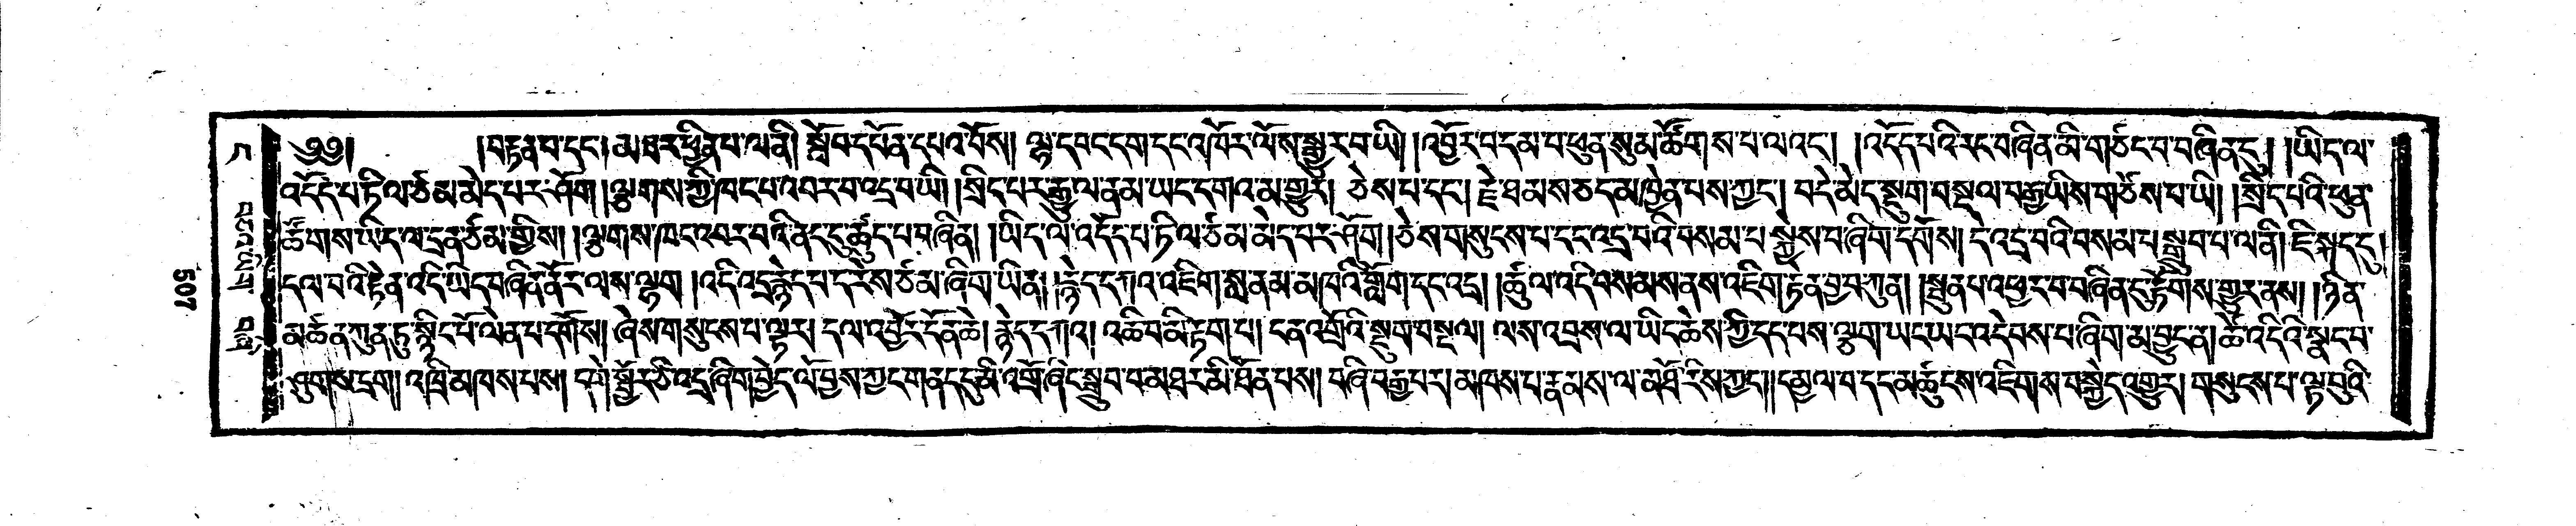༄༅། །བརྟན་པ་དང་། མཐར་ཕྱིན་པ་ལ་ནི། སློབ་དཔོན་དཔའ་བོས། ལྷ་དབང་དག་དང་འཁོར་ལོས་སྒྱུར་བ་ཡི། །འབྱོར་པ་དམ་པ་ཕུན་སུམ་ཚོགས་པ་ལའང་། །འདོད་པའི་རང་བཞིན་མི་གཙང་བ་བཞིན་དུ། །ཡིད་ལ་
འདོད་པ་ཏིལ་ཙམ་མེད་པར་ཤོག །ལྕགས་ཀྱི་ཁང་པ་འབར་བ་འདྲ་བ་ཡི། །སྲིད་པར་རྒྱུ་ལ་ནམ་ཡང་དགའ་མ་གྱུར། ཅེས་པ་དང་། རྗེ་ཐམས་ཅད་མཁྱེན་པས་ཀྱང་། བདེ་མེད་སྡུག་བསྔལ་བརྒྱ་ཡིས་གཙོས་པ་ཡི། །སྲིད་པའི་ཕུན་
ཚོགས་ཡིད་ལ་དྲན་ཙམ་གྱིས། །ལྕགས་ཁང་འབར་བའི་ནང་དུ་ཆུད་པ་བཞིན། །ཡིད་ལ་འདོད་པ་ཏིལ་ཙམ་མེད་པར་ཤོག །ཅེས་གསུངས་པ་དང་འདྲ་བའི་བསམ་པ་སྐྱེས་པ་ཞིག་དགོས། དེ་འདྲ་བའི་བསམ་པ་སྒྲུབ་པ་ལ་ནི། ཇི་སྐད་དུ།
དལ་བའི་རྟེན་འདི་ཡིད་བཞིན་ནོར་ལས་ལྷག །འདི་འདྲ་རྙེད་པ་ད་རེས་ཙམ་ཞིག་ཡིན། །རྙེད་དཀའ་འཇིག་སླ་ནམ་མཁའི་གློག་དང་འདྲ། །ཚུལ་འདི་བསམས་ནས་འཇིག་རྟེན་བྱ་བ་ཀུན། །སྦུན་པ་འཕྱར་བ་བཞིན་དུ་རྟོགས་གྱུར་ནས། །ཉིན་
མཚན་ཀུན་ཏུ་སྙིང་པོ་ལེན་པ་དགོས། ཞེས་གསུངས་པ་ལྟར། དལ་འབྱོར་དོན་ཆེ། རྙེད་དཀའ། འཆི་བ་མི་རྟག་པ། ངན་འགྲོའི་སྡུག་བསྔལ། ལས་འབྲས་ལ་ཡིད་ཆེས་ཀྱི་དད་པས་ལྕག་ཡང་ཡང་འདེབས་པ་ཞིག་མ་བྱུང་ན། ཚེ་འདིའི་སྣང་བ་
ཤུགས་དྲག །འཁྲི་མཁས་པས། དགེ་སྦྱོར་ཅི་འདྲ་ཞིག་བྱེད་ལོ་བྱས་ཀྱང་གནད་དུ་མི་འགྲོ་ཞིང་སྒྲུབ་པ་མཐར་མི་ཐོན་པས། བཞི་བརྒྱ་བར། མཁས་པ་རྣམས་ལ་མཐོ་རིས་ཀྱང་། །དམྱལ་བ་དང་མཚུངས་འཇིགས་བསྐྱེད་འགྱུར། གསུངས་པ་ལྟ་བུའི་